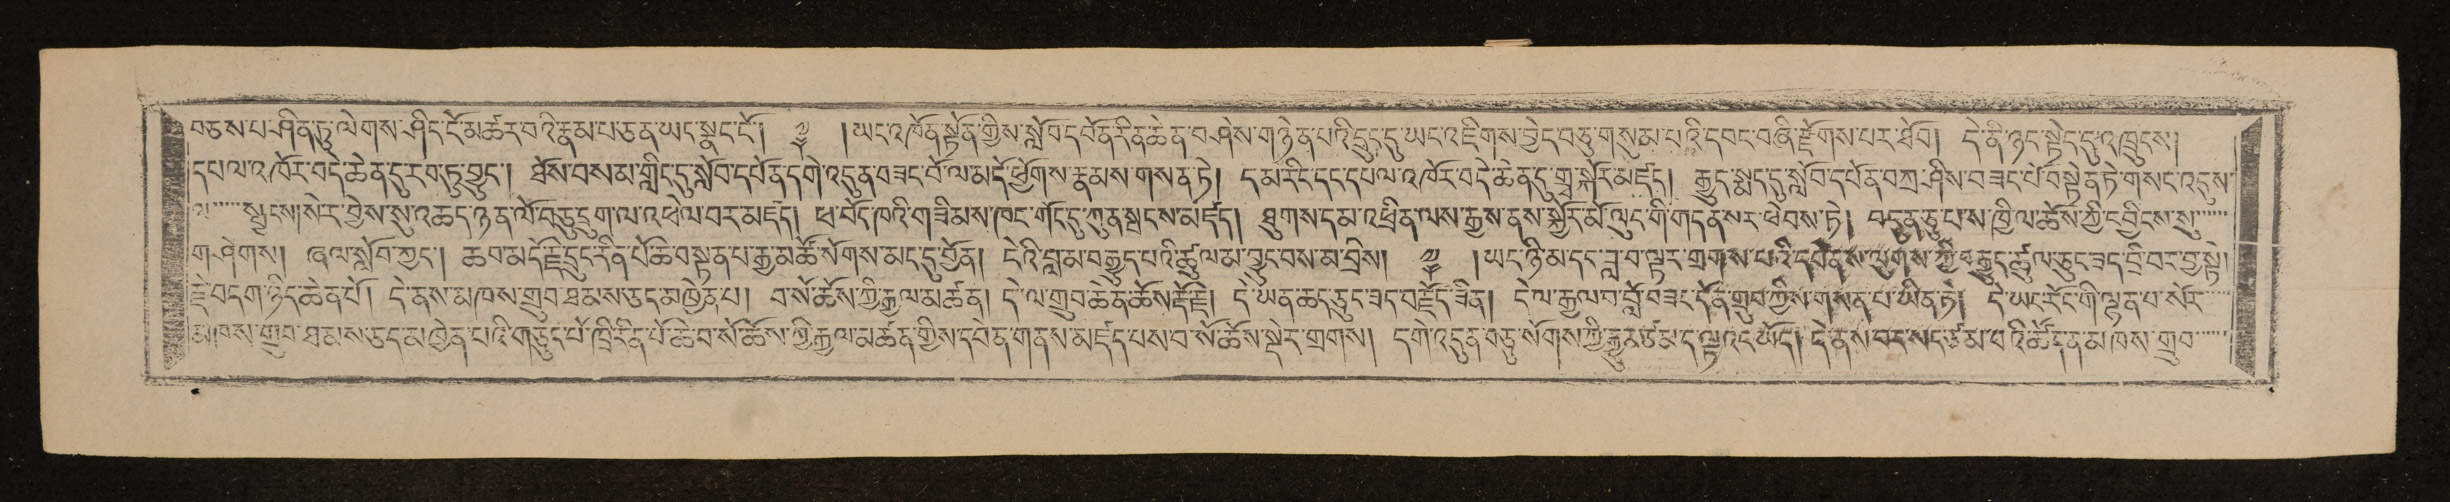བཅས་པ་ཤིན་ཏུ་ལེགས་ཤིང་ངོ་མཚར་བའི་རྣམ་པ་ཅན་ཡང་སྣང་ངོ། ༈ །ཡང་འཁོན་སྟོན་གྱིས་སློབ་དཔོན་རིན་ཆེན་བཤེས་གཉེན་པའི་དྲུང་དུ་ཡང་འཇིགས་བྱེད་བཅུ་གསུམ་པའི་དབང་བཞི་རྫོགས་པར་ཐོབ། དེ་ནི་ཉང་སྟོད་དུ་འཁྲུངས།
དཔལ་འཁོར་བདེ་ཆེན་དུ་རབ་ཏུ་བྱུང་། ཐོས་བསམ་གླིང་དུ་སློབ་དཔོན་དགེ་འདུན་བཟང་པོ་ལ་མདོ་ཕྱོགས་རྣམས་གསན་ཏེ། དམ་རིང་དང་དཔལ་འཁོར་བདེ་ཆེན་དུ་གྲྭ་སྐོར་མཛད། རྒྱུད་སྨད་དུ་སློབ་དཔོན་བཀྲ་ཤིས་བཟང་པོ་བསྟེན་ཏེ་གསང་འདུས་
ལ་སྦྱངས། སེ་ར་བྱེས་སུ་འཆད་ཉན་ལོ་བཅུ་དྲུག་ལ་འཕེལ་བར་མཛད། ཕ་བོང་ཁའི་གཟིམས་ཁང་གོང་དུ་ཀུན་སྤངས་མཛད། ཐུགས་དམ་འཕྲིན་ལས་རྒྱས་ནས་སྐྱོར་མོ་ལུང་གི་གདན་སར་ཕེབས་ཏེ། བདུན་ཅུ་པས་ཁྱི་ལ་ཆོས་ཀྱི་དབྱིངས་སུ་
གཤེགས། ཞལ་སློབ་ཀྱང་། ཆབ་མདོ་རྗེ་དྲུང་རིན་པོ་ཆེ་བསྟན་པ་རྒྱ་མཚོ་སོགས་མང་དུ་བྱོན། དེའི་བླ་མ་བརྒྱུད་པའི་ཚུལ་མ་བྱུང་བས་མ་བྲིས། ༈ །ཡང་ཉི་མ་དང་ཟླ་བ་ལྟར་གྲགས་པའི་དབེན་ས་ལུགས་ཀྱི་བརྒྱུད་ཚུལ་ཅུང་ཟད་བྲི་བར་བྱ་སྟེ།
རྗེ་བདག་ཉིད་ཆེན་པོ། དེ་ནས་མཁས་གྲུབ་ཐམས་ཅད་མཁྱེན་པ། བ་སོ་ཆོས་ཀྱི་རྒྱལ་མཚན། དེ་ལ་གྲུབ་ཆེན་ཆོས་རྡོ་རྗེ། དེ་ཡན་ཆད་ཅུང་ཟད་བརྗོད་ཟིན། དེ་ལ་རྒྱལ་བ་བློ་བཟང་དོན་གྲུབ་ཀྱིས་གསན་པ་ཡིན་ཏེ། དེ་ཡང་རོང་གི་ལྷན་བ་སོར་
མཁས་གྲུབ་ཐམས་ཅད་མཁྱེན་པའི་གཅུང་པོ་ཁྲི་རིན་པོ་ཆེ་བ་སོ་ཆོས་ཀྱི་རྒྱལ་མཚན་གྱིས་དབེན་གནས་མཛད་པས་བ་སོ་ཆོས་སྡེར་གྲགས། དགེ་འདུན་བཅུ་སོགས་ཀྱི་རྒྱུན་ཙམ་ད་ལྟའང་ཡོད། དེ་ནས་པར་སང་ཙམ་པའི་ཚོད་ན་མཁས་གྲུབ་